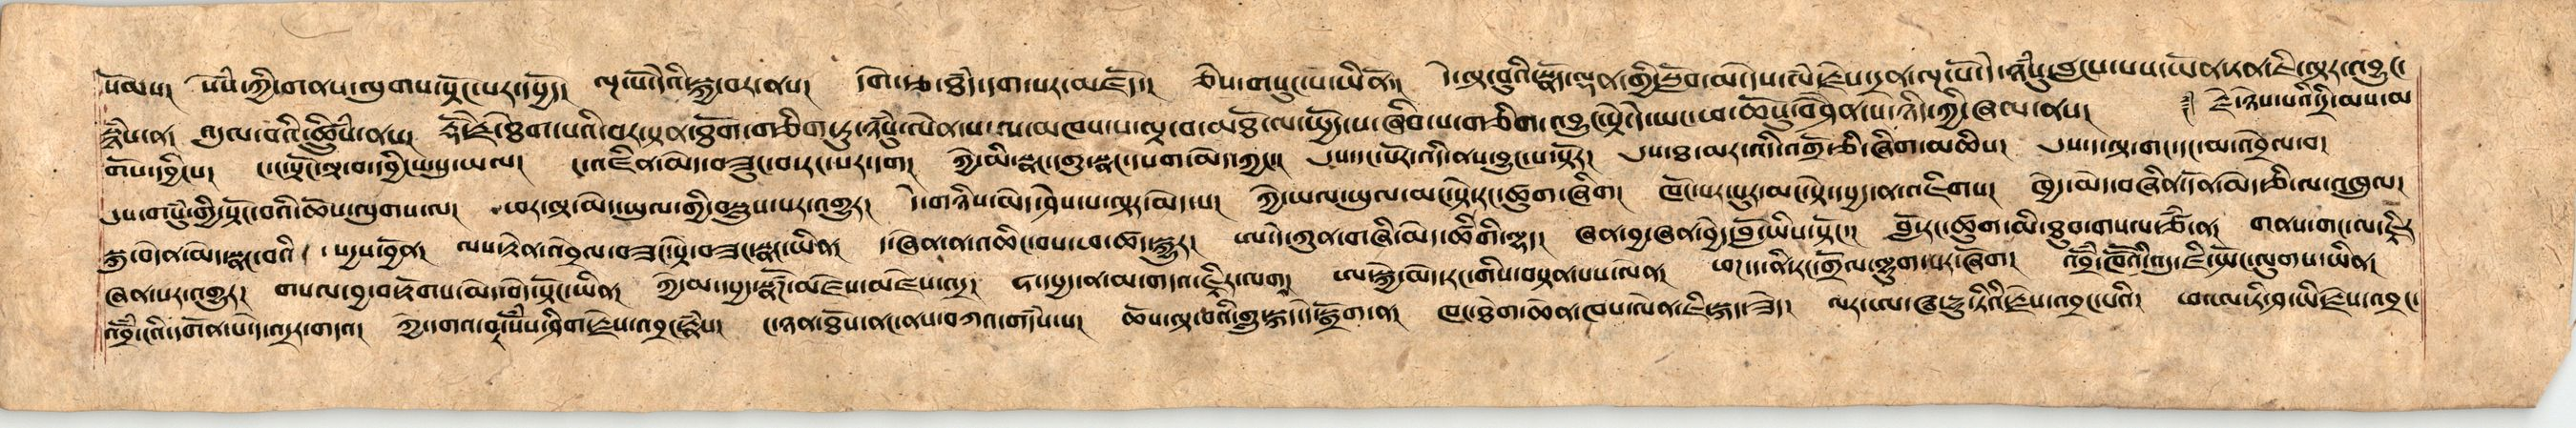སོམས་། སེཾས་ཀྱི་གནས་ལུགས་སྟོང་པར་དཔྱོད། ལྔ་པོ་དེའི་སྐྱ་བར་ནས། དགེ་རྩ་ཐཾད་དག་པར་མཛོད་། ཅེས་གསུངས་པ་ཡིནོ་། དེ་ལྟ་བུའི་སྣོད་ལྡན་གྱི་སློབ་མ་དེས་ལཾ་རྗེས་དྲན་ལྔ་པོ་དེ་ཉཾསུ་བླངས་པས་ཡོན་ཏན་ཇི་ལྟར་འབྱུང་
སྙཾས་ན། འདུལ་བའི་ཚྲིུཾས་ནས། རྡོ་རྗེ་ཐེག་པའི་བར་སྟན་ཐོག་གཅིག་ཏུ་ཉཾསུ་ལེན་པ་ལ་མཁས་པ་ལྟ་བ་མཐོ་ལ་སྤྱོད་པ་ཞིབ་པ་གཅིག་འབྱུང་སྟེ་དེ་ཡང་ཕ་ཆོསུ་བཤཻན་པ་ཉིད་ཀྱི་ཞལ་ནས། ༈རྗེ་ཉེས་པའི་དྲི་མས་མ་
གོས་དབྱིངས། ང་ང་སྟོང་ལྟ་བ་དབྱིངས་སུ་ཡལ། ང་འཛིན་མེད་བཟུང་བ་རང་སར་དག། ཀྱེ་མི་སྣང་དགུ་སྣང་དཔག་མེད་ཀྱང་། དུས་དང་པོར་འདི་ནས་བྱུང་པ་སྟོར། དུས་ཐ་མར་འདི་འགྲོ་ཅི་ཞིག་མཆིས། །དུས་ད་ལྟ་གང་དང་མ་འབྲེལ་བ།
དུས་གསུཾ་གྱི་སྟོང་བའི་ཆོས་ལུགས་ལ། ཕར་ལྟ་མེད་ཡུལ་གྱི་བསླུས་པར་འགྱུར། དེ་གཉིས་མེད་ཤེས་པ་ལྟར་མེད་པ། ཀྱེ་ཡལ་ཡུལ་མང་སྟེ་རང་ཚུགས་ཞིག། ཁོང་པར་པུར་མང་སྟེ་དཔྱད་ན་འཇིགས། ཁྱེད་མེད་བཞིན་དོན་མེད་ཅི་ལ་འཁྲུལ།
སྐུ་བདེན་མེད་སྣང་བའི་སདྱས་བྱོན། ལས་རྟེན་འབྲེལ་བཟང་སྟེ་བཟང་སྣང་ཡིན། ད་ཞེན་ན་འཆིང་བས་ཕ་ཚད་སྐྱུར། ཨ་དེ་ཀུན་གཞི་མེད་ཚིགི་ལྷད། །ཞན་བྱ་ཞན་བྱེད་བློ་ཡིས་སྟོང་། བློ་རང་ཚུག་མི་ཐུབ་གསལ་ཙཾ་ན། །གནས་གང་ལཇྟིར་
ཞན་པར་འགྱུར། གསལ་བྱ་བ་རྟོགས་མེད་བདེ་སྟོང་ཡིན། ཀྱེ་མ་དཔྱད་སྣཚོཌ་མཛེས་མཛེས་འདྲ། ཧ་དཔྱད་ན་མ་གདའ་ཇྟིར་ལགས། ཨ་སྐྱེ་མེད་རང་གིས་བསྟན་པས་ལེན། ཕཌ་ད་ནི་རང་གྲོལ་ལྷུག་པར་ཞོག །འབྲོཾ་ཁཽའི་འདུ་ཛི་སྤོང་ལུགས་ཡིན།
འབྲོཾ་ངའི་དགོན་པ་དེ་འདྲར་གདའ། ཀྱེ་དགའ་བར་སོཾས་ཤིག་རྗེས་འབྲང་རྣཾས། ང་ཉན་ཐོས་ནང་ནས་བཀའ་གདཾས་པ། ཆོས་ལྟ་བའི་གླུ་སྐད་དེ་སྒྲོག་ན། ཁང་ཐེག་ཆེན་ཁས་ལེན་ཇི་སྐད་ཟེད། ལར་ཨ་ཝ་དྷུ་ཏིའི་རྗེས་འབྲང་བའི། ཕ་ཨ་ཏི་ཤ་ཡི་རྗེས་འབྲང་